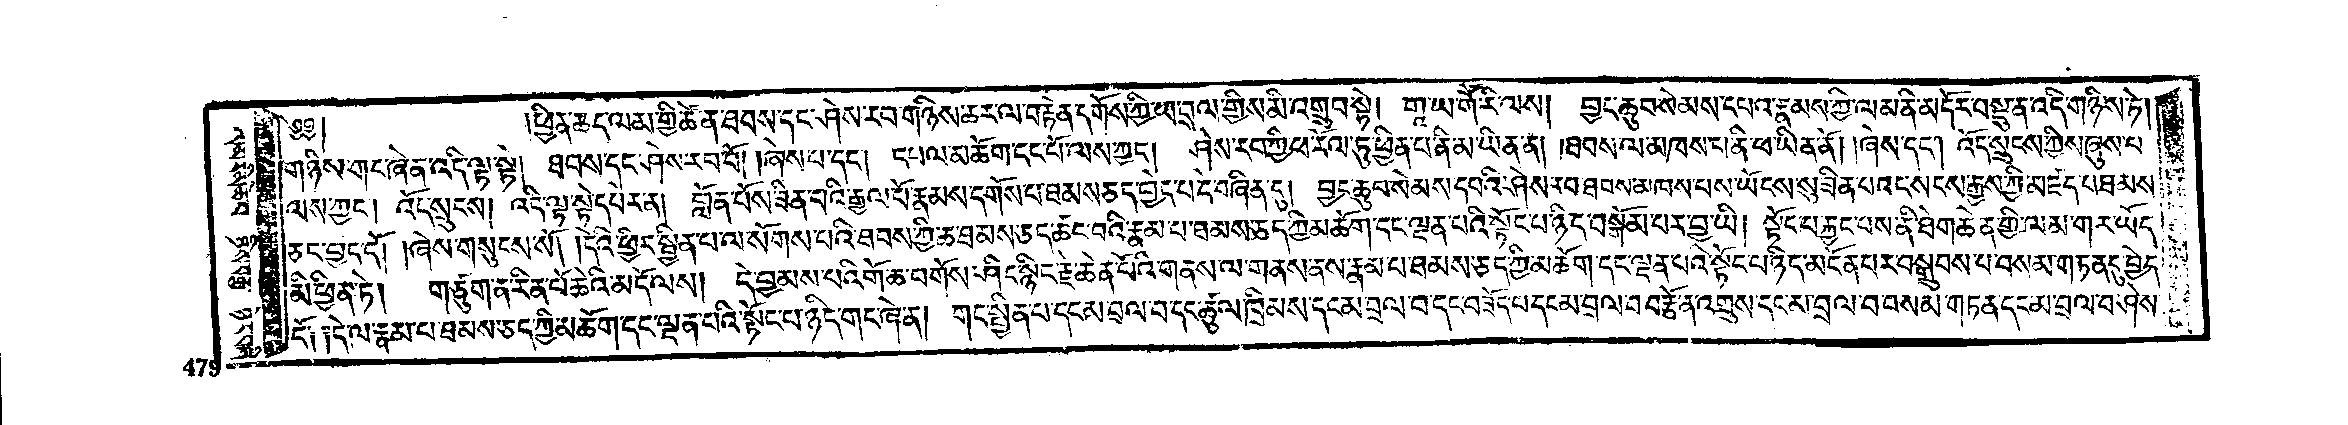༄༅། །ཕྱིན་ཆད་ལམ་གྱི་ཚེ་ན་ཐབས་དང་ཤེས་རབ་གཉིས་ཆར་ལ་བརྟེན་དགོས་ཀྱི་ཡ་བྲལ་གྱིས་མི་འགྲུབ་སྟེ། གཱ་ཡ་གཽ་རི་ལས། བྱང་ཆུབ་སེམས་དཔའ་རྣམས་ཀྱི་ལམ་ནི་མདོར་བསྡུ་ན་འདི་གཉིས་ཏེ།
གཉིས་གང་ཞེན་འདི་ལྟ་སྟེ། ཐབས་དང་ཤེས་རབ་བོ། །ཞེས་པ་དང་། དཔལ་མཆོག་དང་པོ་ལས་ཀྱང་། ཤེས་རབ་ཀྱི་ཕ་རོལ་ཏུ་ཕྱིན་པ་ནི་མ་ཡིན་ནོ། །ཐབས་ལ་མཁས་པ་ནི་ཕ་ཡིན་ནོ། །ཞེས་དང་། འོད་སྲུངས་ཀྱིས་ཞུས་པ་
ལས་ཀྱང་། འོད་སྲུངས། འདི་ལྟ་སྟེ་དཔེར་ན། བློན་པོས་ཟིན་པའི་རྒྱལ་པོ་རྣམས་དགོས་པ་ཐམས་ཅད་བྱེད་པ་དེ་བཞིན་དུ། བྱང་ཆུབ་སེམས་དཔའི་ཤེས་རབ་ཐབས་མཁས་པས་ཡོངས་སུ་ཟིན་པའང་སངས་རྒྱས་ཀྱི་མཛད་པ་ཐམས་
ཅད་བྱེད་དོ། །ཞེས་གསུངས་སོ། །དེའི་ཕྱིར་སྦྱིན་པ་ལ་སོགས་པའི་ཐབས་ཀྱི་ཆ་ཐམས་ཅད་ཚང་བའི་རྣམ་པ་ཐམས་ཅད་ཀྱི་མཆོག་དང་ལྡན་པའི་སྟོང་པ་ཉིད་བསྒོམ་པར་བྱ་ཡི། སྟོང་པ་རྐྱང་པས་ནི་ཐེག་ཆེན་གྱི་ལམ་གར་ཡང་
མི་ཕྱིན་ཏེ། གཙུག་ན་རིན་པོ་ཆེའི་མདོ་ལས། དེ་བྱམས་པའི་གོ་ཆ་བགོས་ཤིང་སྙིང་རྗེ་ཆེན་པོའི་གནས་ལ་གནས་ནས་རྣམ་པ་ཐམས་ཅད་ཀྱི་མཆོག་དང་ལྡན་པའི་སྟོང་པ་ཉིད་མངོན་པར་བསྒྲུབས་པ་བསམ་གཏན་དུ་བྱེད་
དོ༑ ༑དེ་ལ་རྣམ་པ་ཐམས་ཅད་ཀྱི་མཆེག་དང་ལྡན་པའི་སྟོང་པ་ཉིད་གང་ཞེ་ན། གང་སྦྱིན་པ་དང་མ་བྲལ་བ་དང་ཚུལ་ཁྲིམས་དང་མ་བྲལ་བ་དང་བཟོད་པ་དང་མ་བྲལ་བ་བརྩོན་འགྲུས་དང་མ་བྲལ་བ་བསམ་གཏན་དང་མ་བྲལ་བ་ཤེས་